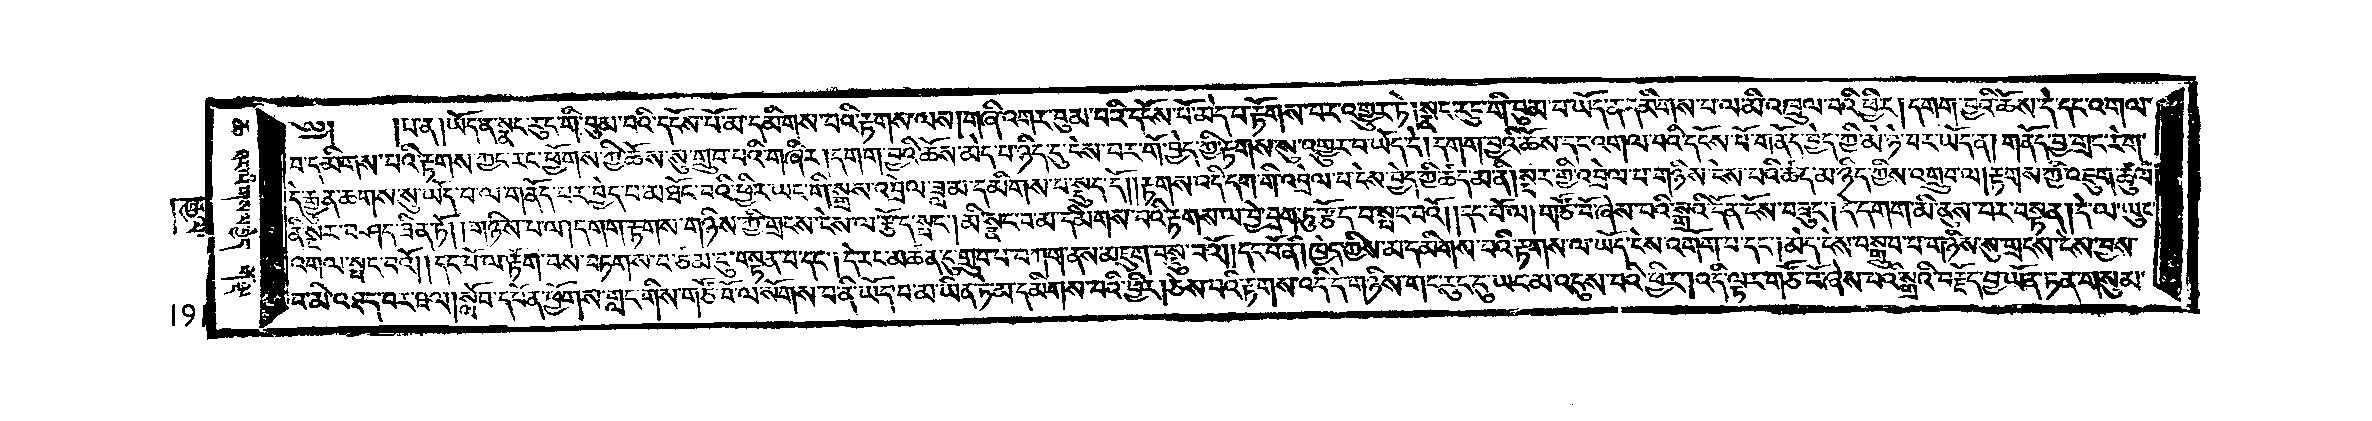༄༅། །པ་ན། ཡོད་ན་སྣང་རུང་གི་བུམ་པའི་དངོས་པོ་མ་དམིགས་པའི་རྟགས་ལས། གཞི་འགར་བུམ་པའི་དངོས་པོ་མེད་པ་རྟོགས་པར་འགྱུར་ཏེ། སྣང་རུང་གི་བུམ་པ་ཡོད་ན་དམིགས་པ་ལ་མི་འཁྲུལ་བའི་ཕྱིར། དགག་བྱའི་ཆོས་དེ་དང་འགལ་
བ་དམིགས་པའི་རྟགས་ཀྱང་རང་ཕྱོགས་ཀྱི་ཆོས་སུ་གྲུབ་པའི་གཞིར། དགག་བྱའི་ཆོས་མེད་པ་ཉིད་དུ་ངེས་པར་གོ་བྱེད་ཀྱི་རྟགས་སུ་འགྱུར་བ་ཡོད་དེ། དགག་བྱའི་ཆོས་དང་འགལ་བའི་དངོས་པོ་གནོད་བྱེད་ཀྱི་མེ་ཉེ་བར་ཡོད་ན། གནོད་བྱ་གྲང་རེག་
དེ་རྒྱུན་ཆགས་སུ་ཡོད་པ་ལ་གནོད་པར་བྱེད་པ་མཐོང་བའི་ཕྱིར་ཡང་གི་སྒྲས་འབྲེལ་ཟླ་མ་དམིགས་པ་སྡུད་དོ། །རྟགས་འདི་དག་གི་འབྲེལ་པ་ངེས་བྱེད་ཀྱི་ཚད་མ་ནི། སྔར་གྱི་འབྲེལ་པ་གཉིས་ངེས་པའི་ཚད་མ་ཉིད་ཀྱིས་འགྲུབ་ལ། རྟགས་ཀྱི་འཇུག་ཚུལ་
ནི་སྔར་བཤད་ཟིན་ཏོ། །གཉིས་པ་ལ། དགག་རྟགས་གཉིས་ཀྱི་གྲངས་ངེས་ལ་རྩོད་སྤང་། མི་སྣང་བ་མ་དམིགས་པའི་རྟགས་ལ་བྱེ་བྲག་ཏུ་རྩོད་པ་སྤང་བའོ། །དང་པོ་ལ། གཙོ་བོ་ཞེས་པའི་སྒྲའི་དོན་ངོས་བཟུང་། དེ་དགག་མི་ནུས་པར་བསྟན། དེ་ལ་ལུང་
འགལ་སྤང་བའོ། །དང་པོ་ལ་རྟོག་པས་བཏགས་པ་ཙམ་དུ་བསྟན་པ་དང་། དེ་རང་མཚན་དུ་གྲུབ་པ་བཀག་ནས་མཇུག་བསྡུ་བའོ། །དང་པོ་ནི། ཁྱེད་ཀྱིས་མ་དམིགས་པའི་རྟགས་ལ་ཡོད་ངེས་འགོག་པ་དང་། མེད་ངེས་བསྒྲུབ་པ་གཉིས་སུ་གྲངས་ངེས་བྱས་
བ་མི་འཐད་པར་ཐལ། སློབ་དཔོན་ཕྱོགས་གླང་གིས་གཙོ་བོ་ལ་སོགས་པ་ནི་ཡོད་པ་མ་ཡིན་ཏེ་མ་དམིགས་པའི་ཕྱིར། ཅེས་པའི་རྟགས་འདི་དེ་གཉིས་གང་རུང་དུ་ཡང་མ་འདུས་པའི་ཕྱིར། འདི་ལྟར་གཙོ་བོ་ཞེས་པའི་སྒྲའི་བརྗོད་བྱ་ཡོན་ཏན་གསུམ་